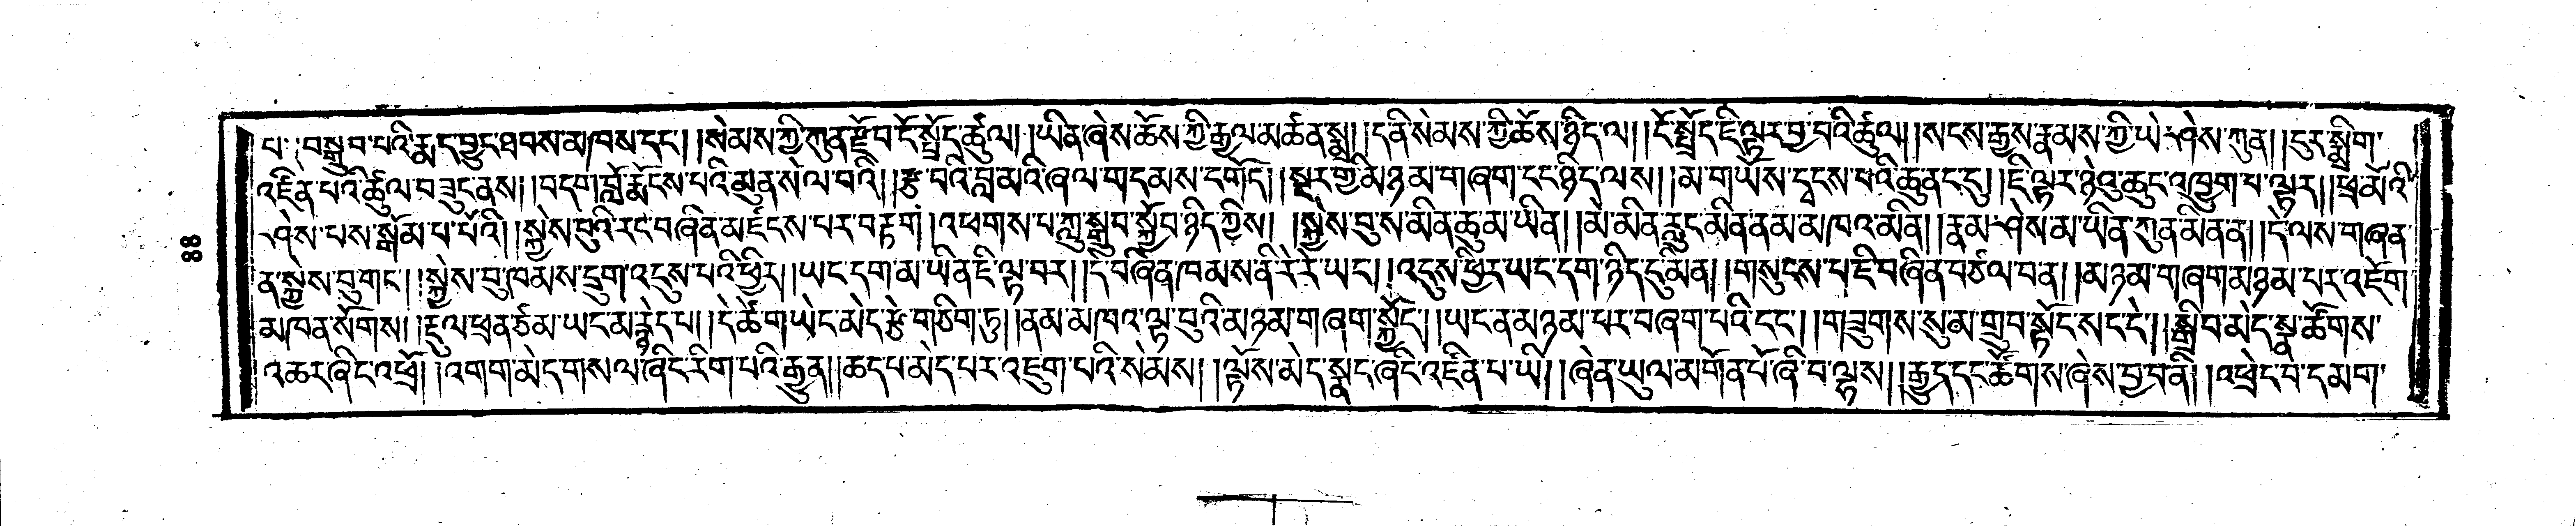པ། །བསྒྲུབ་པའི་རྨད་བྱུང་ཐབས་མཁས་དང་། །སེམས་ཀྱི་ཀུན་རྫོབ་ངོ་སྤྲོད་ཚུལ། །ཡིན་ཞེས་ཆོས་ཀྱི་རྒྱལ་མཚན་སྨྲ། །ད་ནི་སེམས་ཀྱི་ཆོས་ཉིད་ལ། །ངོ་སྤྲོད་ཇི་ལྟར་བྱ་བའི་ཚུལ། །སངས་རྒྱས་རྣམས་ཀྱི་ཡེ་ཤེས་ཀུན། །ངུར་སྨྲིག་
འཛིན་པའི་ཚུལ་བཟུང་ནས། །བདག་བློ་རྨོངས་པའི་མུན་སེལ་བའི། །རྩ་བའི་བླ་མའི་ཞལ་གདམས་དགོད། །སྔར་གྱི་མཉམ་གཞག་ངང་ཉིད་ལས། །མ་གཡོས་དྭངས་པའི་ཚུ་ནང་དུ། །ཇི་ལྟར་ཉེའུ་ཆུང་འཁྱུག་པ་ལྟར། །ཕྲ་མོའི་
ཤིས་པས་སྒོམ་པ་པོའི། །སྐྱེས་བུའི་རང་བཞིན་མཛངས་པར་བརྟག །འཕགས་པ་ཀླུ་སྒྲུབ་སྐྱོབ་ཉིད་ཀྱིས། །སྐྱེས་བུ་ས་མིན་ཆུ་མ་ཡིན། །མེ་མིན་རླུང་མིན་ནམ་མཁའ་མིན། །རྣམ་ཤེས་མ་ཡིན་ཀུན་མིན་ན། །དེ་ལས་གཞན་
ན་སྐྱེས་བུ་གང་། །སྐྱེས་བུ་ཁམས་དྲུག་འདུས་པའི་ཕྱིར། །ཡང་དག་མ་ཡིན་ཇི་ལྟར་བར། །དེ་བཞིན་ཁམས་ནི་རེ་རེ་ཡང་། །འདུས་ཕྱིར་ཡང་དག་ཉིད་དུ་མིན། །གསུངས་པ་ཇི་བཞིན་བཙལ་བ་ན། །མཉམ་གཞག་མཉམ་པར་འཇོག་
མཁན་སོགས། །རྡུལ་ཕྲན་ཙམ་ཡང་མ་རྙེད་པ། །དེ་ཚེ་གཡེང་མེད་རྩེ་གཅིག་ཏུ། །ནམ་མཁའ་ལྟ་བུའི་མཉམ་གཞག་སྐྱོང་། །ཡང་ན་མཉམ་པར་བཞག་པའི་ངང་། །གཟུགས་སུ་མ་གྲུབ་སྟོང་སང་ངེ། །སྒྲིབ་མེད་སྣ་ཚོགས་
འཆར་ཞིང་འཕྲོ། །འགག་མེད་གསལ་ཞིང་རིག་པའི་རྒྱུན། །ཆད་པ་མེད་པར་འཇུག་པའི་སེམས། །ལྟོས་མེད་སྣང་ཞིང་འཛིན་པ་ཡི། །ཞེན་ཡུལ་མགོན་པོ་ཞི་བ་ལྷས། །རྒྱུད་དང་ཚོགས་ཞེས་བྱ་བ་ནི། །འཕྲེང་བ་དམག་